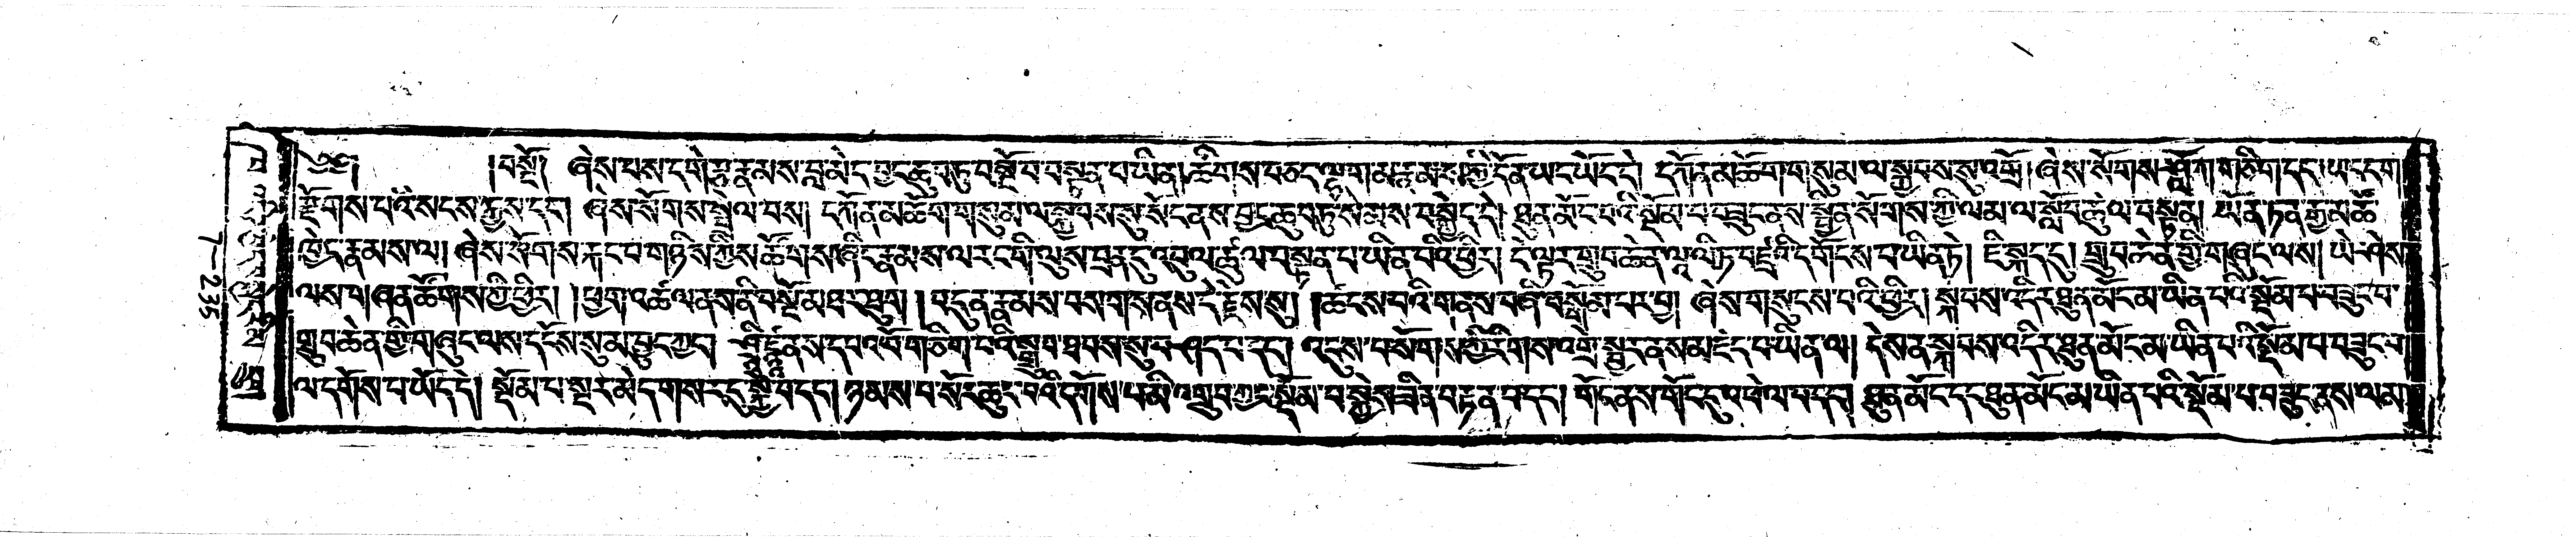༄༅། །བསྔོ། ཞེས་པས་དགེ་རྩ་རྣམས་བླ་མེད་བྱང་ཆུབ་ཏུ་བསྔོ་བ་བསྟན་པ་ཡིན། ཚིགས་བཅད་ལྷག་མ་རྣམས་ཀྱི་དོན་ཡང་ཡོད་དེ། དཀོན་མཆོག་གསུམ་ལ་སྐྱབས་སུ་འགྲོ། ཞེས་སོགས་ཤློ་ཀ་གཅིག་དང་། ཡང་དག་
རྫོགས་པའི་སངས་རྒྱས་དང་། ཞེས་སོགས་སྤེལ་བས། དཀོན་མཆོག་གསུམ་ལ་སྐྱབས་སུ་སོང་ནས་བྱང་ཆུབ་ཏུ་སེམས་བསྐྱེད་དེ། ཐུན་མོང་བའི་སྡོམ་པ་བཟུང་ནས་སྦྱིན་སོགས་ཀྱི་ལམ་ལ་སློབ་ཚུལ་བསྟན། ཡོན་ཏན་རྒྱ་མཚོ་
ཁྱེད་རྣམས་ལ། ཞེས་སོགས་རྐང་པ་གཉིས་ཀྱིས་ཚོགས་ཞིང་རྣམས་ལ་རང་གི་ལུས་བྲན་དུ་འབུལ་ཚུལ་བསྟན་པ་ཡིན་པའི་ཕྱིར། དེ་ལྟར་གྲུབ་ཆེན་ལཱ་ལི་ཏ་བཛྲའི་དགོངས་པ་ཡིན་ཏེ། ཇི་སྐད་དུ། གྲུབ་ཆེན་གྱི་གཞུང་ལས། ཡེ་ཤེས་
ལས་གཞན་ཚོགས་ཀྱི་ཕྱིར། །ཕྱག་འཚལ་ནས་ནི་བསྔོ་མཐར་ཐུག །བདུན་རྣམས་བསགས་ནས་དེ་རྗེས་སུ། །ཚངས་པའི་གནས་བཞི་བསྒོམ་པར་བྱ། ཞེས་གསུངས་པའི་ཕྱིར། སྐབས་འདིར་ཐུན་མོང་མ་ཡིན་པའི་སྡོམ་པ་བཟུང་བ་
གྲུབ་ཆེན་གྱི་གཞུང་ལས་དངོས་སུ་མ་བྱུང་ཀྱང་། ཤྲཱི་ཛྙཱ་ནས་དཔའ་བོ་གཅིག་པའི་སྒྲུབ་ཐབས་སུ་བཤད་པ་དང་། འདུས་པ་སོགས་ཀྱི་རིགས་འགྲེ་སྦྱར་ནས་མཛད་པ་ཡིན་ལ། དེས་ན་སྐབས་འདིར་ཐུན་མོང་མ་ཡིན་པའི་སྡོམ་པ་བཟུང་བ་
ལ་དགོས་པ་ཡོད་དེ། སྡོམ་པ་སྔར་མེད་གསར་དུ་སྐྱེ་བ་དང་། ཉམས་པ་སོར་ཆུང་པའི་དགོས་པ་མི་འགྲུབ་ཀྱང་སྡོམ་པ་སྐྱེས་ཟིན་བརྟན་པ་དང་། གོང་ནས་གོང་དུ་འཕེལ་བ་དང་། ཐུན་མོང་དང་ཐུན་མོང་མ་ཡིན་པའི་སྡོམ་པ་བཟུང་ནས་ལམ་